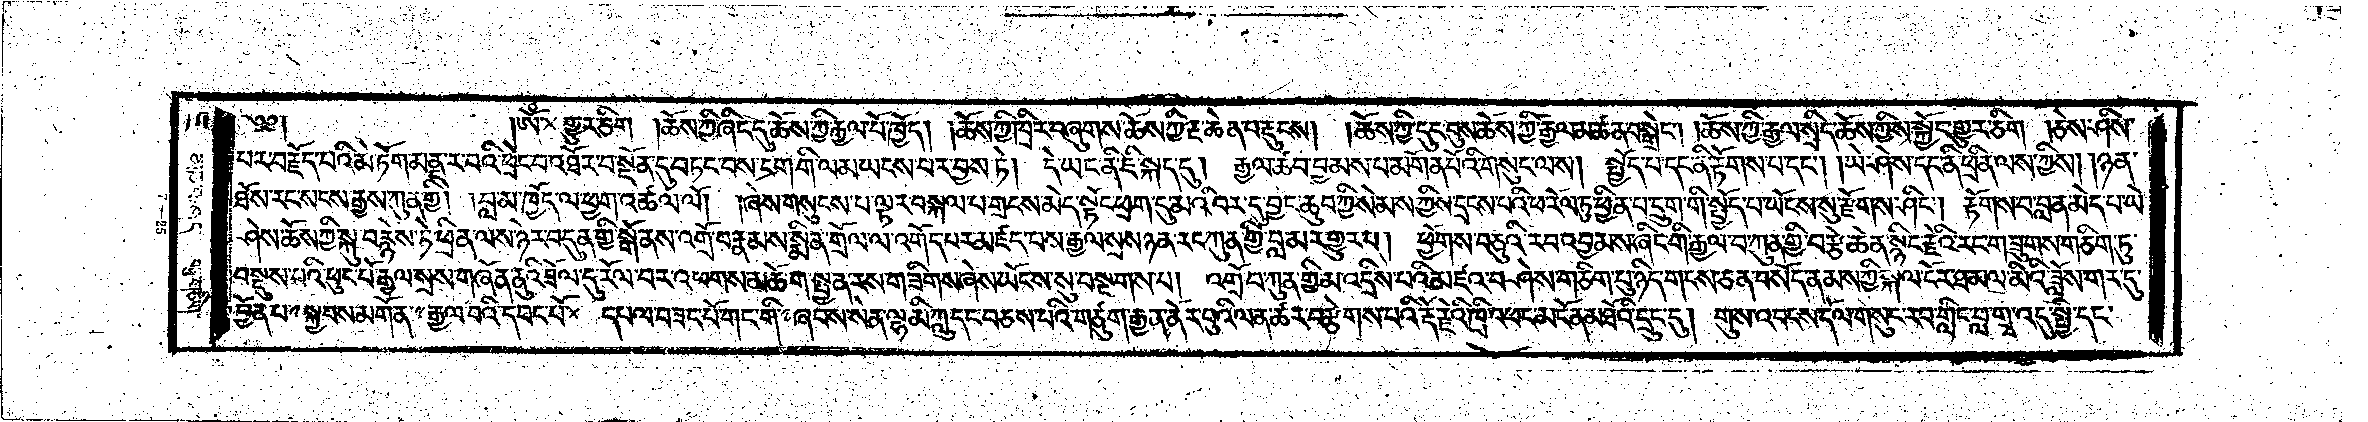༄༅། །ཨོཾ་྾་གྱུར་ཅིག །ཆོས་ཀྱི་ཞིང་དུ་ཆོས་ཀྱི་རྒྱལ་པོ་ཁྱོད། །ཆོས་ཀྱི་ཁྲིར་བཞུགས་ཆོས་ཀྱི་རྔ་ཆེན་བརྡུངས། །ཆོས་ཀྱི་དུང་བུས་ཆོས་ཀྱི་རྒྱལ་མཚན་བསྒྲེང་། །ཆོས་ཀྱི་རྒྱལ་སྲིད་ཀྱིས་སྐྱོང་གྱུར་ཅིག །ཅེས་ཤིས་
པར་བརྗོད་པའི་མེ་ཏོག་མནྡ་ར་བའི་ཕྲེང་བ་འཐོར་བསྔོན་དུ་བཏང་བས་ངག་གི་ལམ་ཡངས་པར་བྱས་ཏེ། དེ་ཡང་ནི་ཇི་སྐད་དུ། །རྒྱལ་ཚབ་བྱམས་པ་མགོན་པོའི་གསུང་ལས། སྤྱོད་པ་དང་ནི་རྟོགས་པ་དང་། ཡེ་ཤེས་དང་ནི་ཕྲིན་ལས་ཀྱི། །ཉན་
ཐོས་རང་སངས་རྒྱས་ཀུན་གྱི། །བླ་མ་ཁྱོད་ལ་ཕྱག་འཚལ་ལོ། །ཞེས་གསུངས་པ་ལྟར་བསྐལ་བཟང་བསྐལ་བ་གྲངས་མེད་སྟོང་ཕྲག་དུ་མའི་བར་དུ་བྱང་ཆུབ་ཀྱི་སེམས་ཀྱིས་དྲངས་པའི་ཕ་རོལ་ཏུ་ཕྱིན་པ་དྲུག་གི་སྤྱོད་པ་ཡོངས་སུ་རྫོགས་ཤིང་། རྟོགས་བ་བླ་ན་མེད་པ་ཡེ་
ཤེས་ཆོས་ཀྱི་སྐུ་བརྙེས་ཏེ་ཕྲིན་ལས་ཉེར་བདུན་གྱི་སྒོ་ནས་འགྲོ་བ་རྣམས་སྨིན་གྲོལ་ལ་འགོད་པར་མཛད་པས་རྒྱལ་སྲས་ཉན་རང་ཀུན་གྱི་བླ་མར་གྱུར་པ། ཕྱོགས་བཅུའི་རབ་འབྱམས་ཞིང་གི་རྒྱལ་བ་ཀུན་གྱི་བརྩེ་ཆེན་སྙིང་རྗེའི་རང་གཟུགས་གཅིག་ཏུ་
བསྡུས་པའི་ཕུང་པོ་རྒྱལ་སྲས་གཞོན་ནུའི་བྲོལ་དུ་རོལ་བར་འཕགས་མཆོག་སྤྱན་རས་གཟིགས་ཞེས་ཡོངས་སུ་བསྔགས་པ། འགྲོ་བ་ཀུན་གྱི་མ་འདྲིས་པའི་མཛའ་བཤེས་གཅིག་པུ་ཉིད་གངས་ཅན་བསོད་ནམས་ཀྱི་སྐལ་ངོར་ཐ་མལ་མིའི་ཟློས་གར་དུ་
བྱོན་པ ༧སྐྱབས་མགོན ༧རྒྱལ་བའི་དབང་པོ་྾་དཔལ་བཟང་པོ་གང་གི ༧ཞབས་སེན་ལྷ་མི་ཀླུ་དང་བཅས་པའི་གཙུག་རྒྱན་ནོར་བུའི་ལན་ཚར་བརྩེགས་པའི་རྡོ་རྗེའི་ཁྲི་འཕང་མངོན་མཐོའི་དྲུང་དུ། གུས་འབངས་དོལ་གསུང་རབ་གླིང་བླ་གྲྭ་འདུ་སྤྱི་དང་